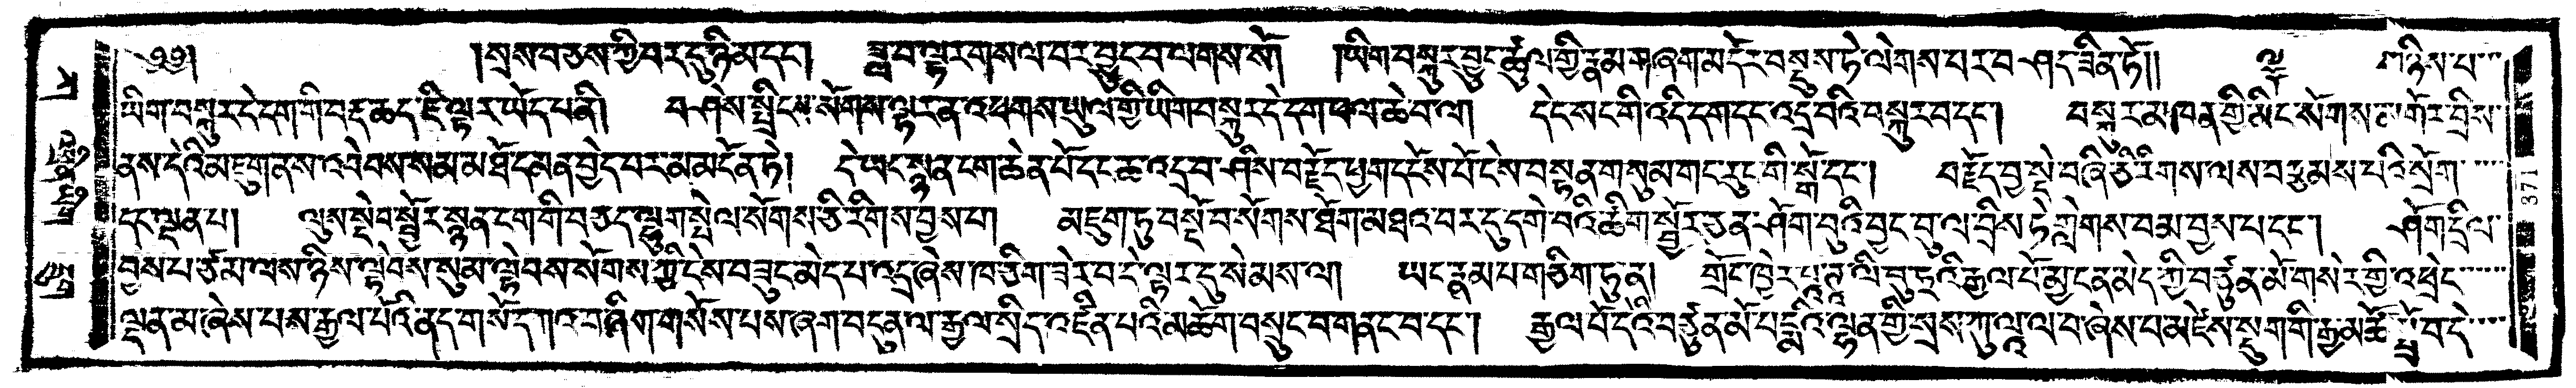༄༅། །སྲས་བཅས་ཀྱི་བར་དུ་ཉི་མ་དང་། ཟླ་བ་ལྟར་གསལ་བར་བྱུང་བ་ལགས་སོ། །ཡིག་བསྐུར་བྱུང་ཚུལ་གྱི་རྣམ་གཞག་མདོར་བསྡུས་ཏེ་ལེགས་པར་བཤད་ཟིན་ཏོ།། ༈ གཉིས་པ་
ཡིག་བསྐུར་དེ་དག་གི་བརྡ་ཆད་ཇི་ལྟར་ཡོད་པ་ནི། བཤེས་སྤྲིངས་སོགས་ལྟར་ན་འཕགས་ཡུལ་གྱི་ཡིག་བསྐུར་དེ་དག་ཕལ་ཆེ་བ་ལ། དེང་སང་གི་འདི་དག་དང་འདྲ་བའི་བསྐུར་བ་དང་། བསྐུར་མཁན་གྱི་མིང་སོགས་མགོར་བྲིས་
ནས་དེའི་མཇུག་ནས་འབེབས་སམ་མཐོ་དམན་བྱེད་པར་མ་མངོན་ཏེ། དེ་ཡང་སྙན་ངག་ཆེན་པོ་དང་ཆ་འདྲ་བ་ཤིས་བརྗོད་ཕྱག་དངོས་པོ་ངེས་བསྟན་གསུམ་གང་རུང་གི་སྒོ་དང་། བརྗོད་བྱ་སྡེ་བཞི་ཅི་རིགས་ལས་བརྩམས་པའི་སྲོག་
དང་ལྡན་པ། ལུས་སྡེབ་སྦྱོར་སྙན་ངག་གི་བཅད་ལྷུག་སྤེལ་སོགས་ཅི་རིགས་བྱས་པ། འཇུག་ཏུ་བསྡོ་བ་སོགས་ཐོག་མཐའ་བར་དུ་དགེ་བའི་ཚིག་སྦྱོར་ཅན་ཤོག་བུའི་བྱང་བུ་ལ་བྲིས་ཏེ་གླེགས་བམ་བྱས་པ་དང་། ཤོག་དྲིལ་
བྱས་པ་ཙམ་ལས་ཉིས་ལྟེབས་སུམ་ལྟེབས་སོགས་ཀྱི་ངེས་བཟུང་མེད་པ་འདྲ་ཞེས་ཁ་ཅིག་ཟེར་བ་དེ་ལྟར་དུ་སེམས་ལ། ཡང་རྣམ་པ་གཅིག་ཏུ་ན། །གྲོང་ཁྱེར་པཱ་ཊཱ་ལི་བུ་ཧྲའི་རྒྱལ་པོ་མྱ་ངན་མེད་ཀྱི་བཙུན་མོ་གསེར་གྱི་འཕྲེང་
ལྡན་མ་ཞེས་པས་རྒྱལ་པོའི་ནད་གསོད་དཀའ་བཞིག་གསོས་པས་ཞག་བདུན་ལ་རྒྱལ་སྲིད་འཛིན་པའི་མཆོག་བསྲུང་བ་གནང་བ་དང་། རྒྱལ་བོ་དེའི་བཙུན་མོ་པདམའི་ལྷན་གྱི་སྲས་ཀུ་ལཱ་ལ་བཞེས་པ་མཛེས་སྡུག་གི་རྒྱ་མཚོ་སྤྲོ་བ་དེ་